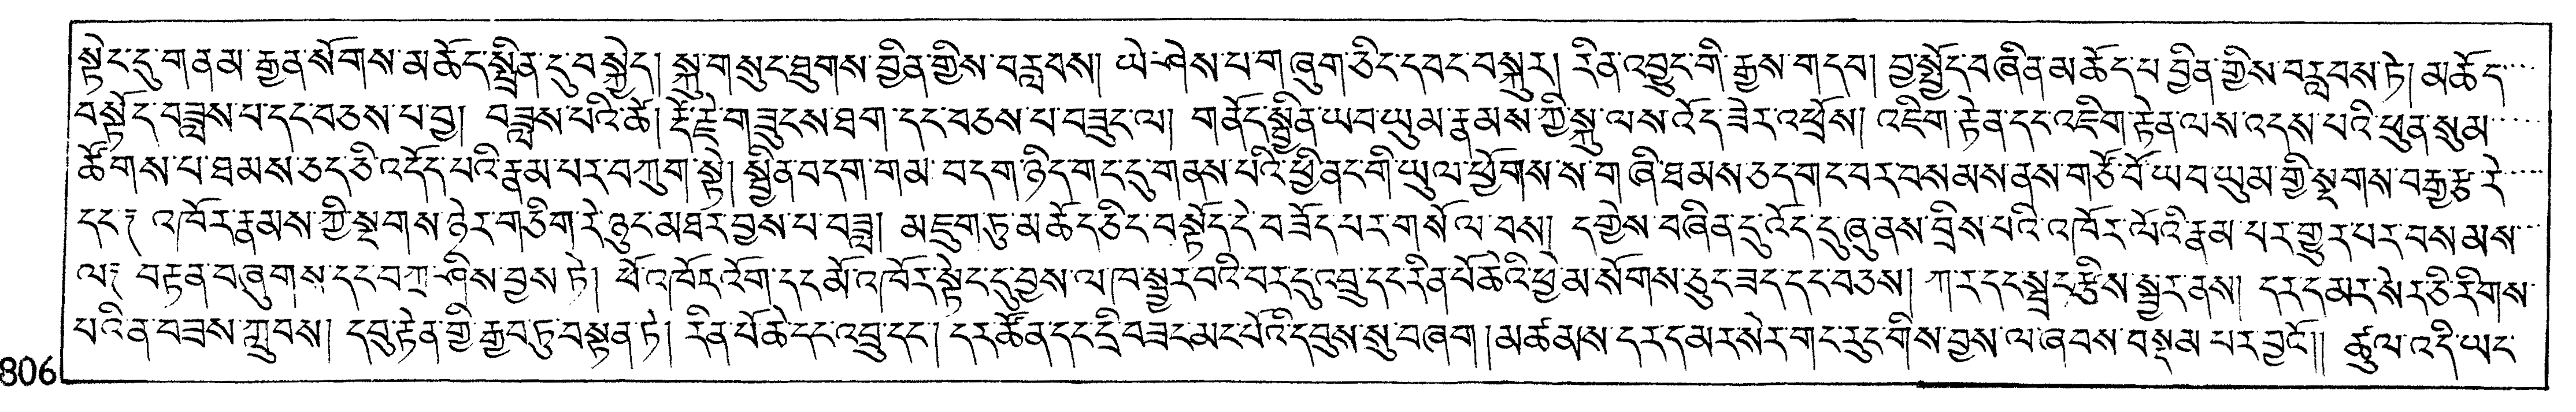སྟེང་དུ་གནམ་རྒྱན་སོགས་མཆོད་སྤྲིན་དུ་བསྐྱེད། སྐུ་གསུང་ཐུགས་བྱིན་གྱིས་བརླབས། ཡེ་ཤེས་པ་གཞུག་ཅིང་དབང་བསྐུར། རིན་འབྱུང་གི་རྒྱས་གདབ། བྱ་སྤྱོད་བཞིན་མཆོད་པ་བྱིན་གྱིས་བརླབས་ཏེ། མཆོད་
བསྟོད་བཟླས་པ་དང་བཅས་པ་བྱ། བཟླས་པའི་ཚེ། རྡོ་རྗེ་གཟུངས་ཐག་དང་བཅས་པ་བཟུང་ལ། གནོད་སྦྱིན་ཡབ་ཡུམ་རྣམས་ཀྱི་སྐུ་ལས་འོད་ཟེར་འཕྲོས། འཇིག་རྟེན་དང་འཇིག་རྟེན་ལས་འདས་པའི་ཕུན་སུམ་
ཚོགས་པ་ཐམས་ཅད་ཅི་འདོད་པའི་རྣམ་པར་བཀུག་སྟེ། སྦྱིན་བདག་གམ་བདག་ཉིད་གང་དུ་གནས་པའི་ཕྱི་ནང་གི་ཡུལ་ཕྱོགས་ས་གཞི་ཐམས་ཅད་གང་བར་བསམས་ནས་གཙོ་བོ་ཡབ་ཡུམ་གྱི་སྔགས་བརྒྱ་རྩ་རེ་
དང༑ འཁོར་རྣམས་ཀྱི་སྔགས་ཉེར་གཅིག་རེ་ཉུང་མཐར་བྱས་པ་བཟླ། མཇུག་ཏུ་མཆོད་ཅིང་བསྟོད་དེ་བཟོད་པར་གསོལ་བས། དགྱེས་བཞིན་དུ་འོད་དུ་ཞུ་ནས་བྲིས་པའི་འཁོར་ལོའི་རྣམ་པར་གྱུར་པར་བསམས་
ལ༑ བརྟན་བཞུགས་དང་བཀྲ་ཤིས་བྱས་ཏེ། ཕོ་འཁོར་འོག་དང་མོ་འཁོར་སྟེང་དུ་བྱས་ལ་ཁ་སྦྱར་བའི་བར་དུ་འབྲུ་དང་རིན་པོ་ཆེའི་ཕྱེ་མ་སོགས་ཅུང་ཟད་དང་བཅས། ཀ་ར་དང་སྦྲང་རྩིས་སྦྱར་ནས། དར་དམར་སེར་ཅི་རིགས་
པའི་ན་བཟས་ཀླུབས། དབུ་རྟེན་གྱི་རྒྱབ་ཏུ་བསྟན་ཏེ། རིན་པོ་ཆེ་དང་འབྲུ་དང་། དར་ཚོན་དང་དྲི་བཟང་མང་པོའི་དབུས་སུ་བཞག །མཚམས་དར་དམར་སེར་གང་རུང་གིས་བྱས་ལ་ཞབས་བསྡམ་པར་བྱའོ། །ཚུལ་འདི་ཡང་